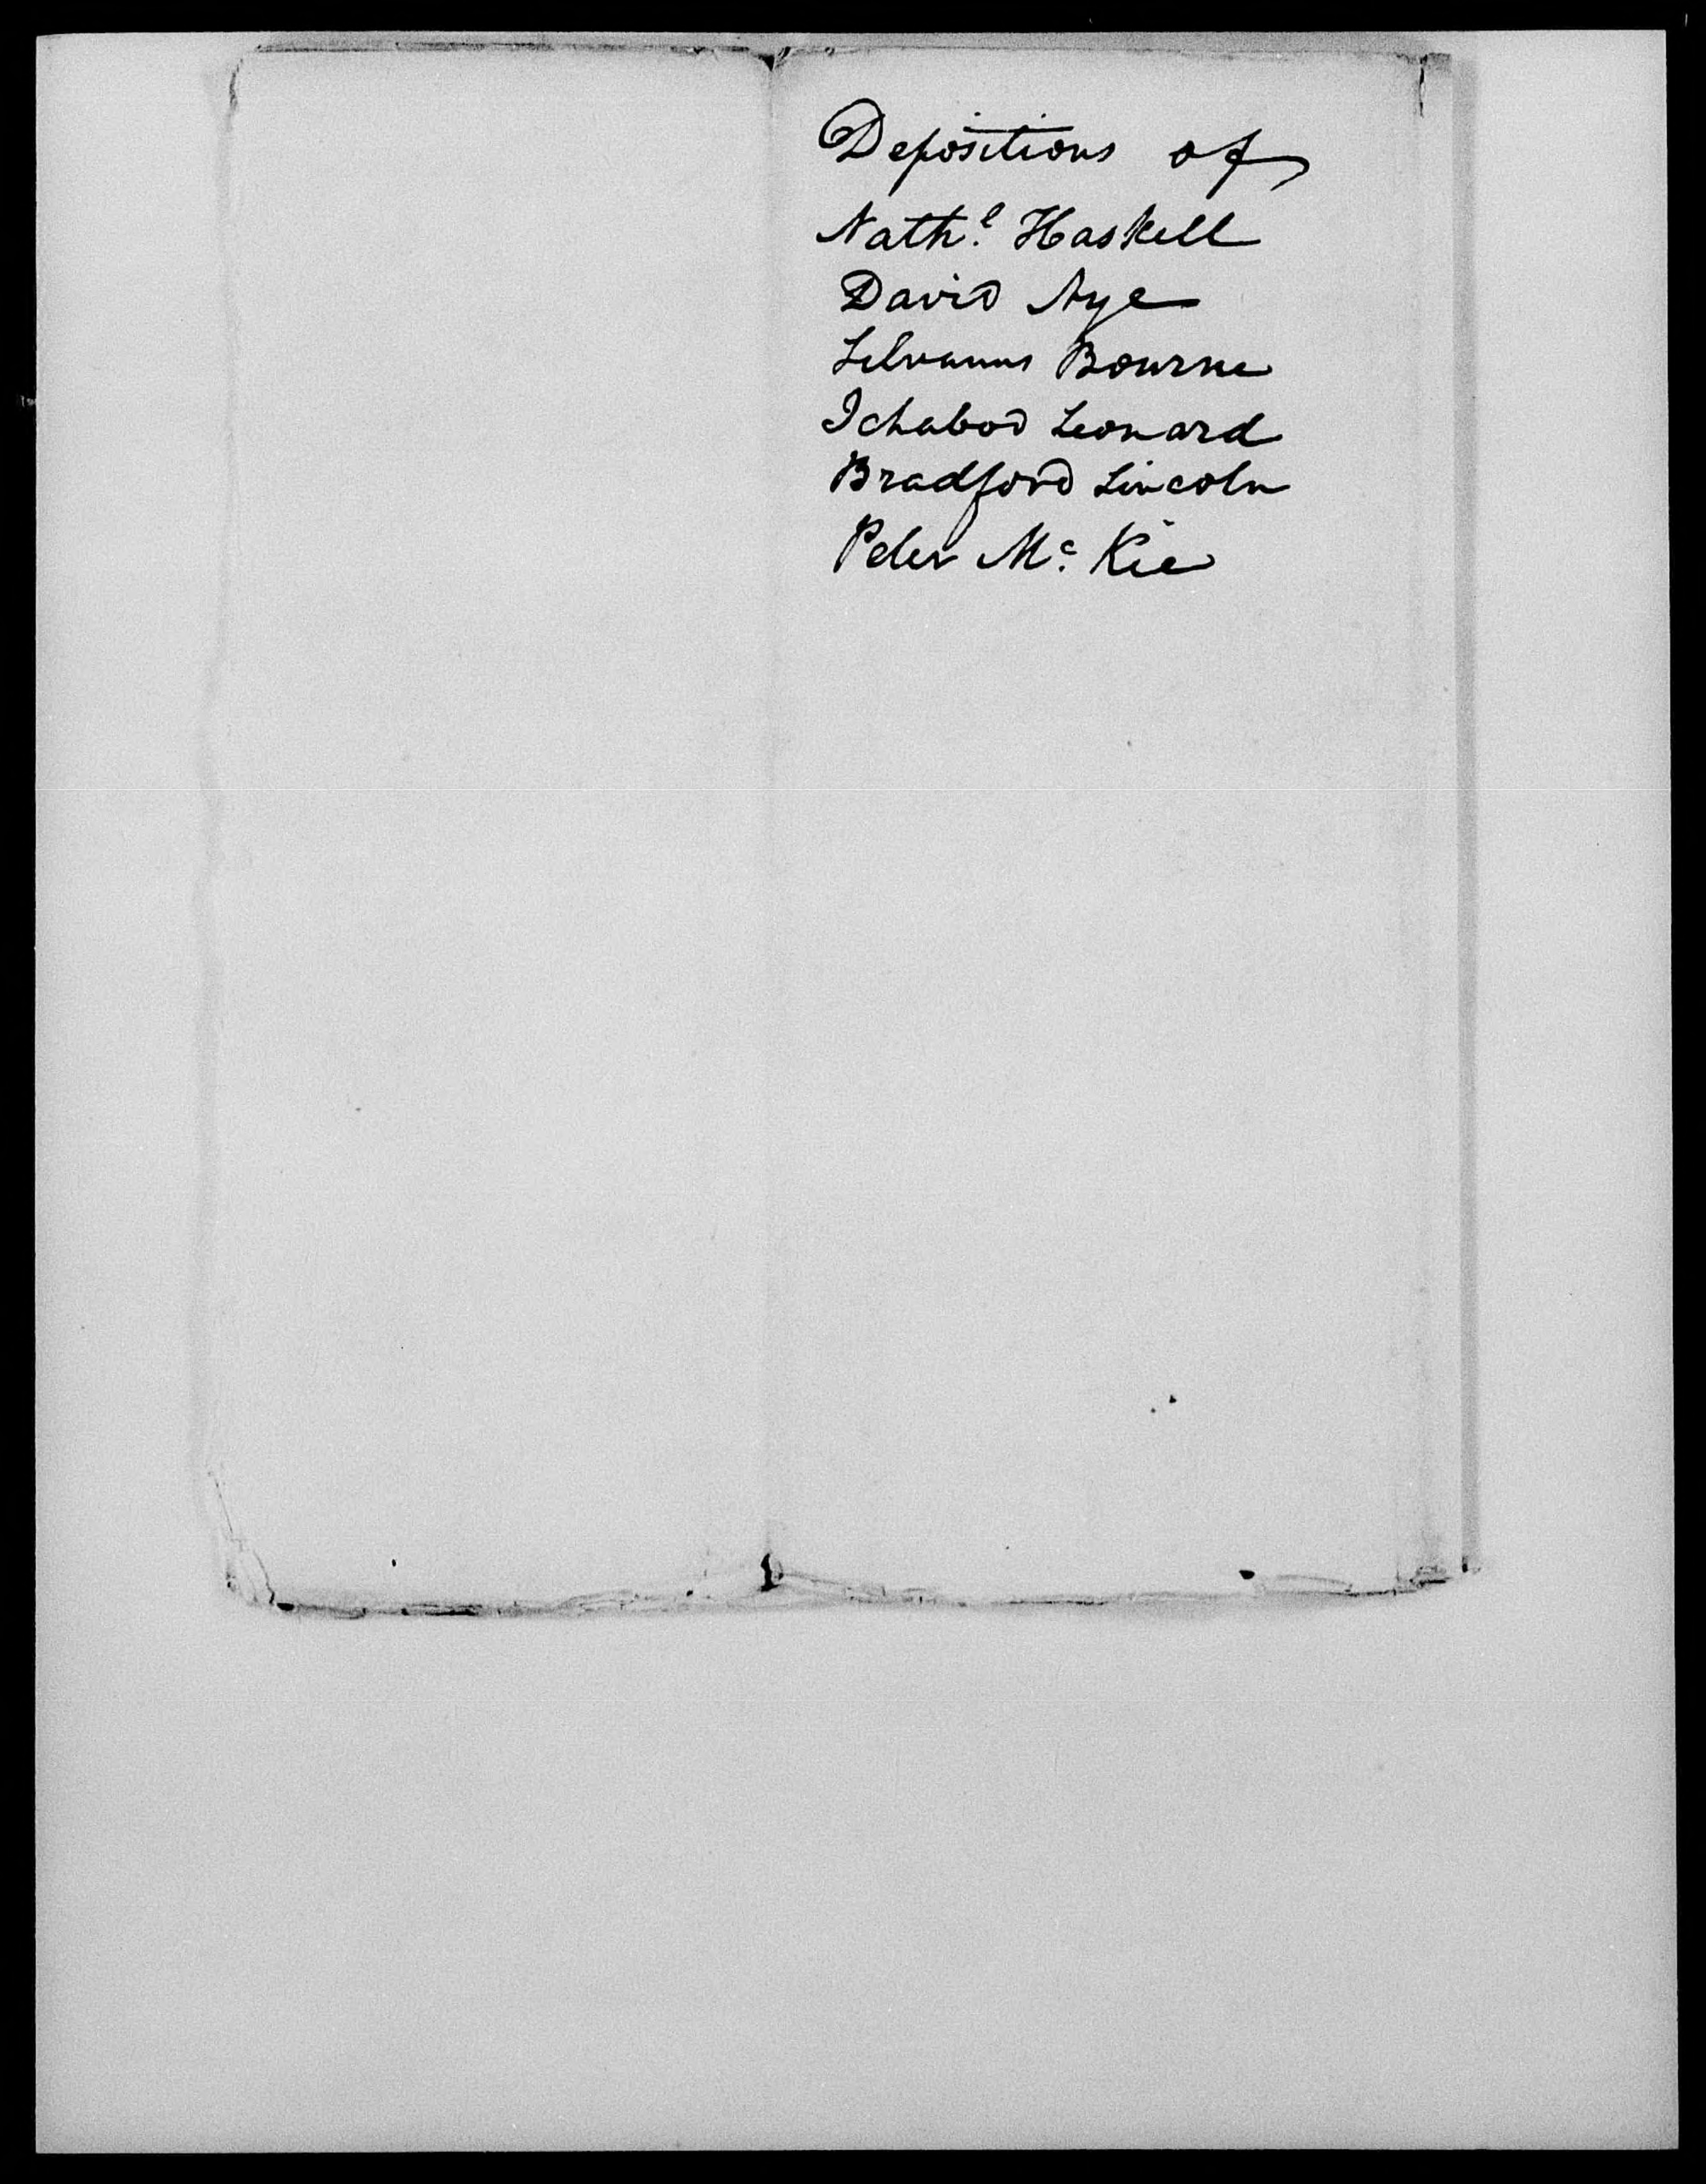Depositions of
Nath'l Haskell
David Nye
Silvanus Bourne
Ichabod Leonard
Bradford Lincoln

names: Ichabod Leonard; Nathl Haskell; Bradford Lincoln; Peter Mc Kie; Silvanus Bourne; David Nye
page: 70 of 82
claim: widow's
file: W. 13,634, for Rufus Lincoln, Massachusetts